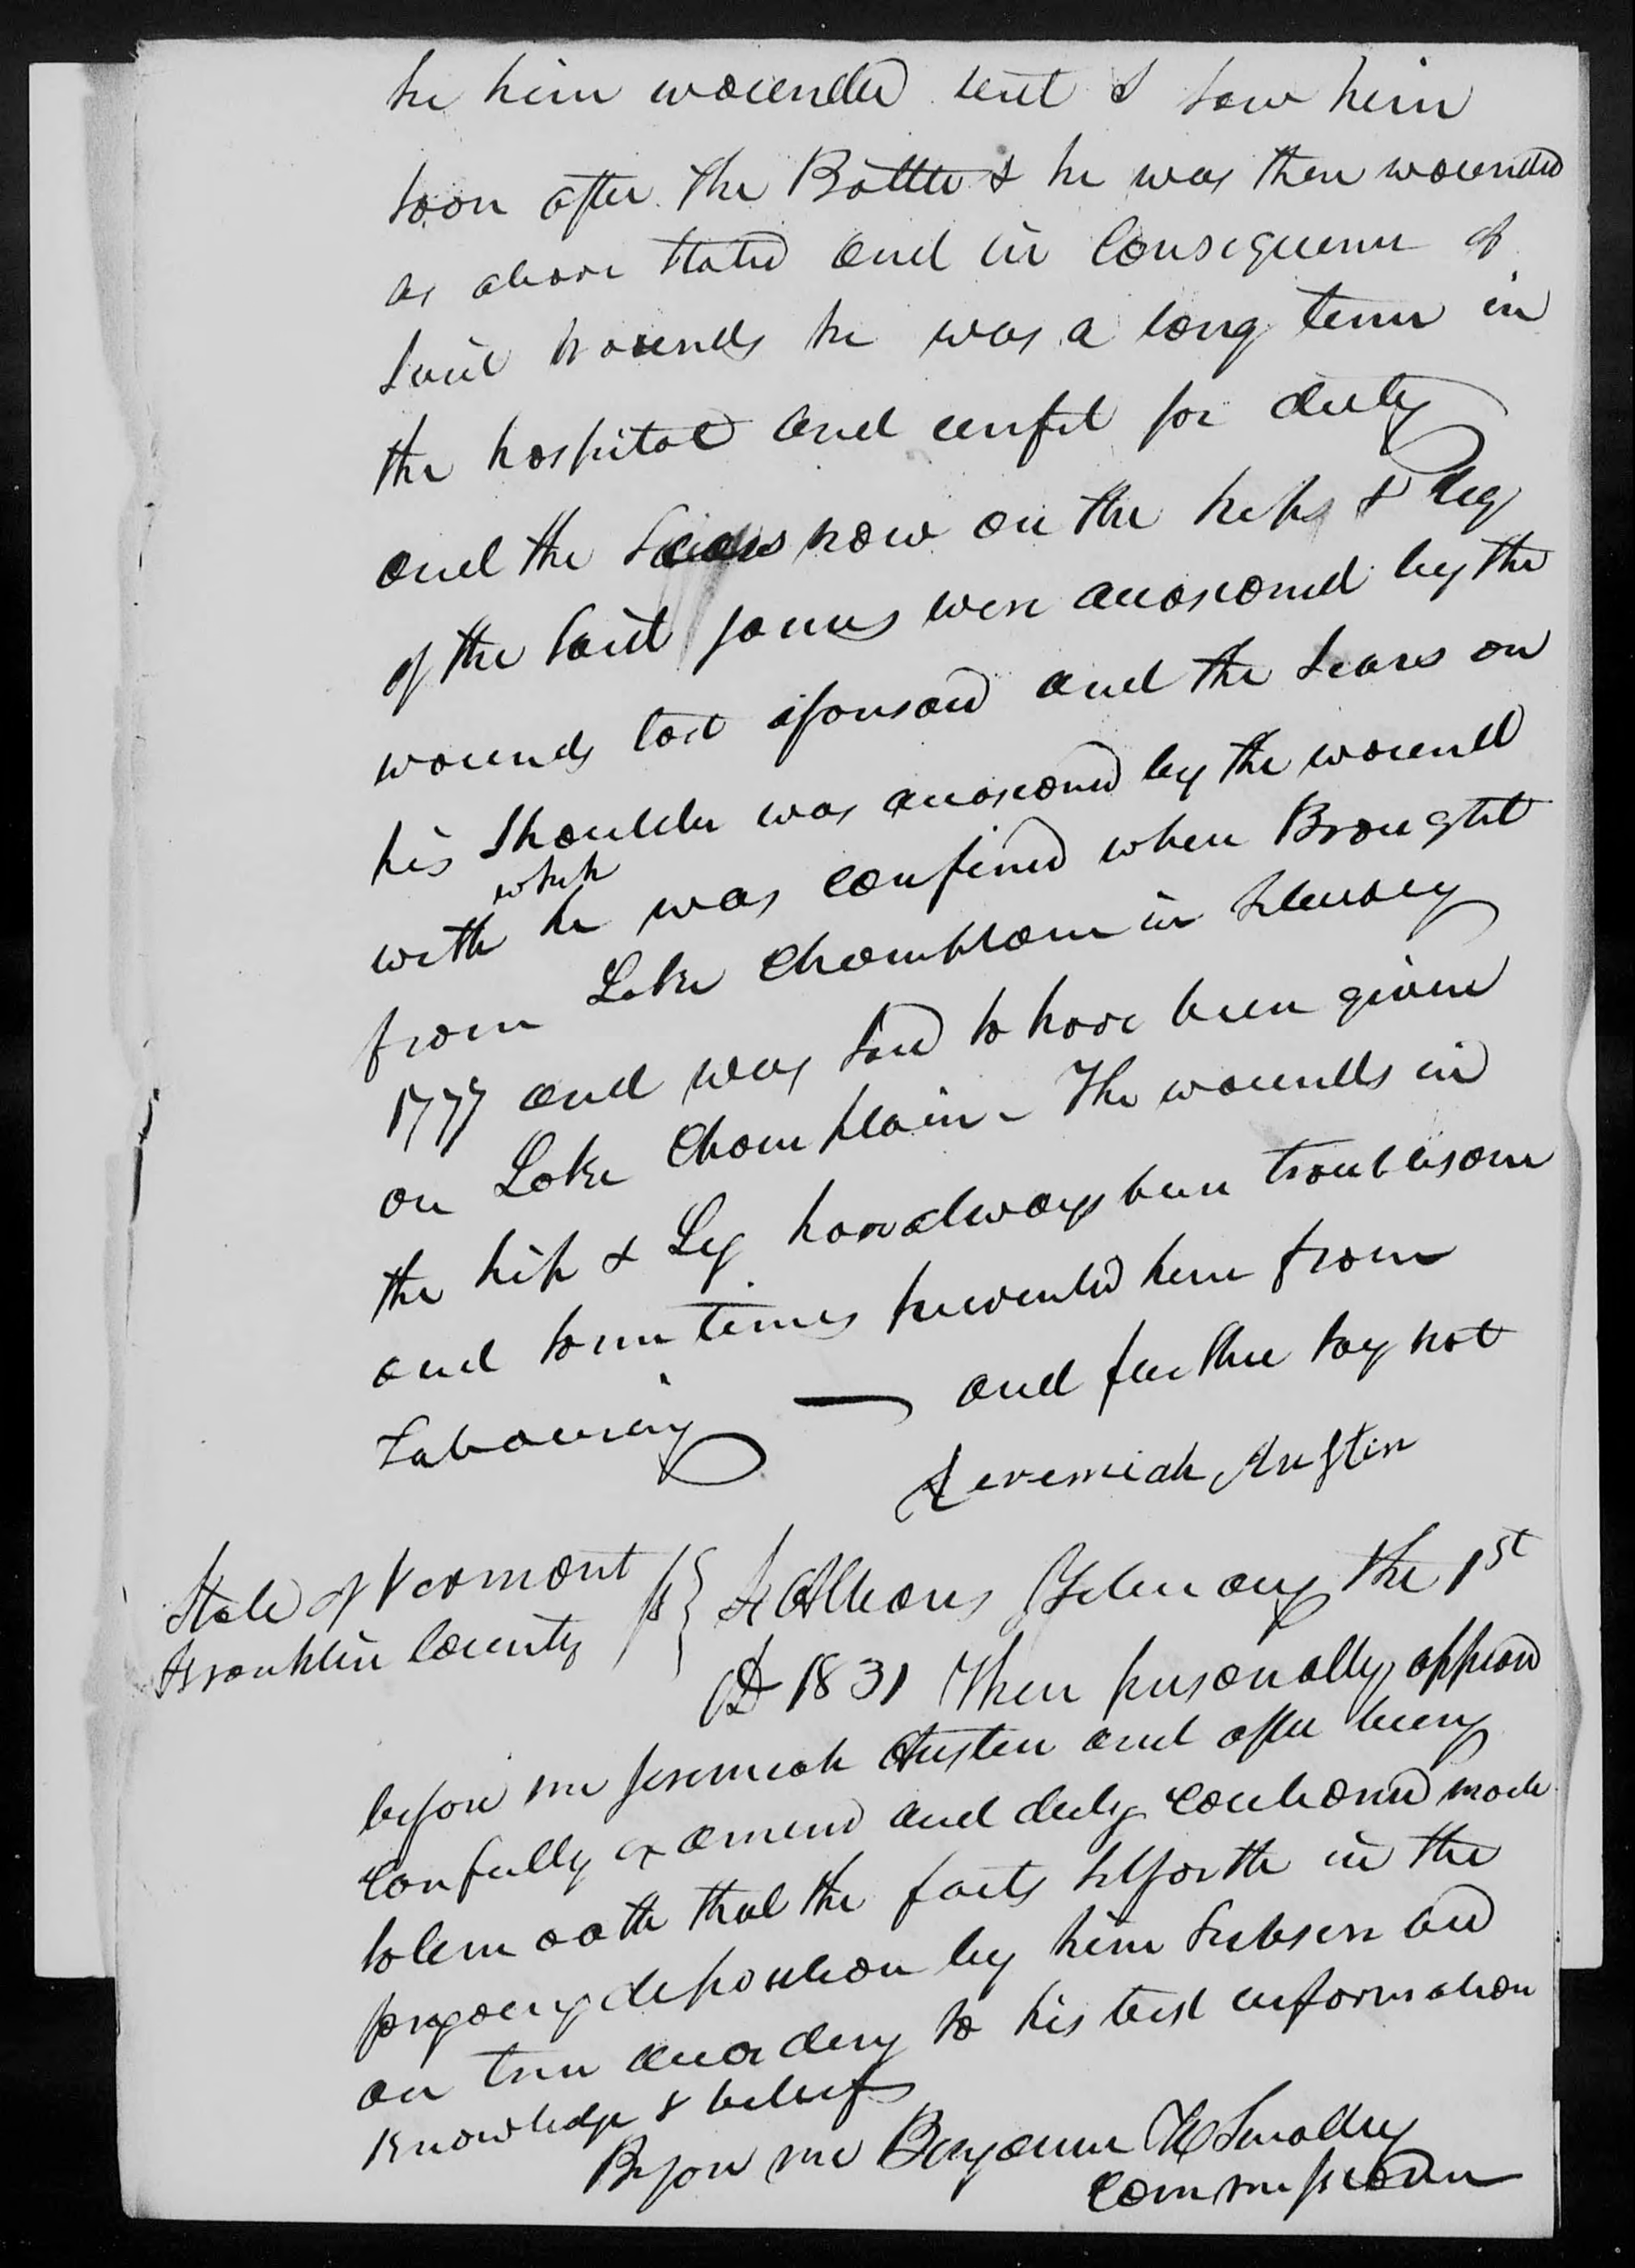see him wounded but I saw him soon after the Battle & he was then wounded as above states and in consequence of said wounds he was a long time in the hospital and unfit for duty and the [illegible] now on the hips & leg of the said James were occasioned by the wounds that aforesaid and the tears on his shoulder was occasioned by the wound with which he was confined when Brought from Lake Champlain in February 1777 and was said to have been given on Lake Champlain. The wounds in the hip & leg have always been troublesome and sometimes prevented him from labouring - and further say not 
Jeremiah Austin

State of Vermont {
Franklin County   {[illegible] February the 1st AD. 1831 then personally appeared before me Jeremiah Austin and after being carefully examined and duly cautioned made solem (sic) oath that the facts hereforth in the proper deposition by him [illegible] are true according to his best information knowledge & beliefs
Before me Benjamin  H Smalley
Commissioner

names: Benjamin H Smalley, James, Jeremiah Austin, Rounds, Jeremiah Austin, F Allion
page: 17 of 100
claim: survivor's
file: S 19186, James Austin, Conn. New York R.I.